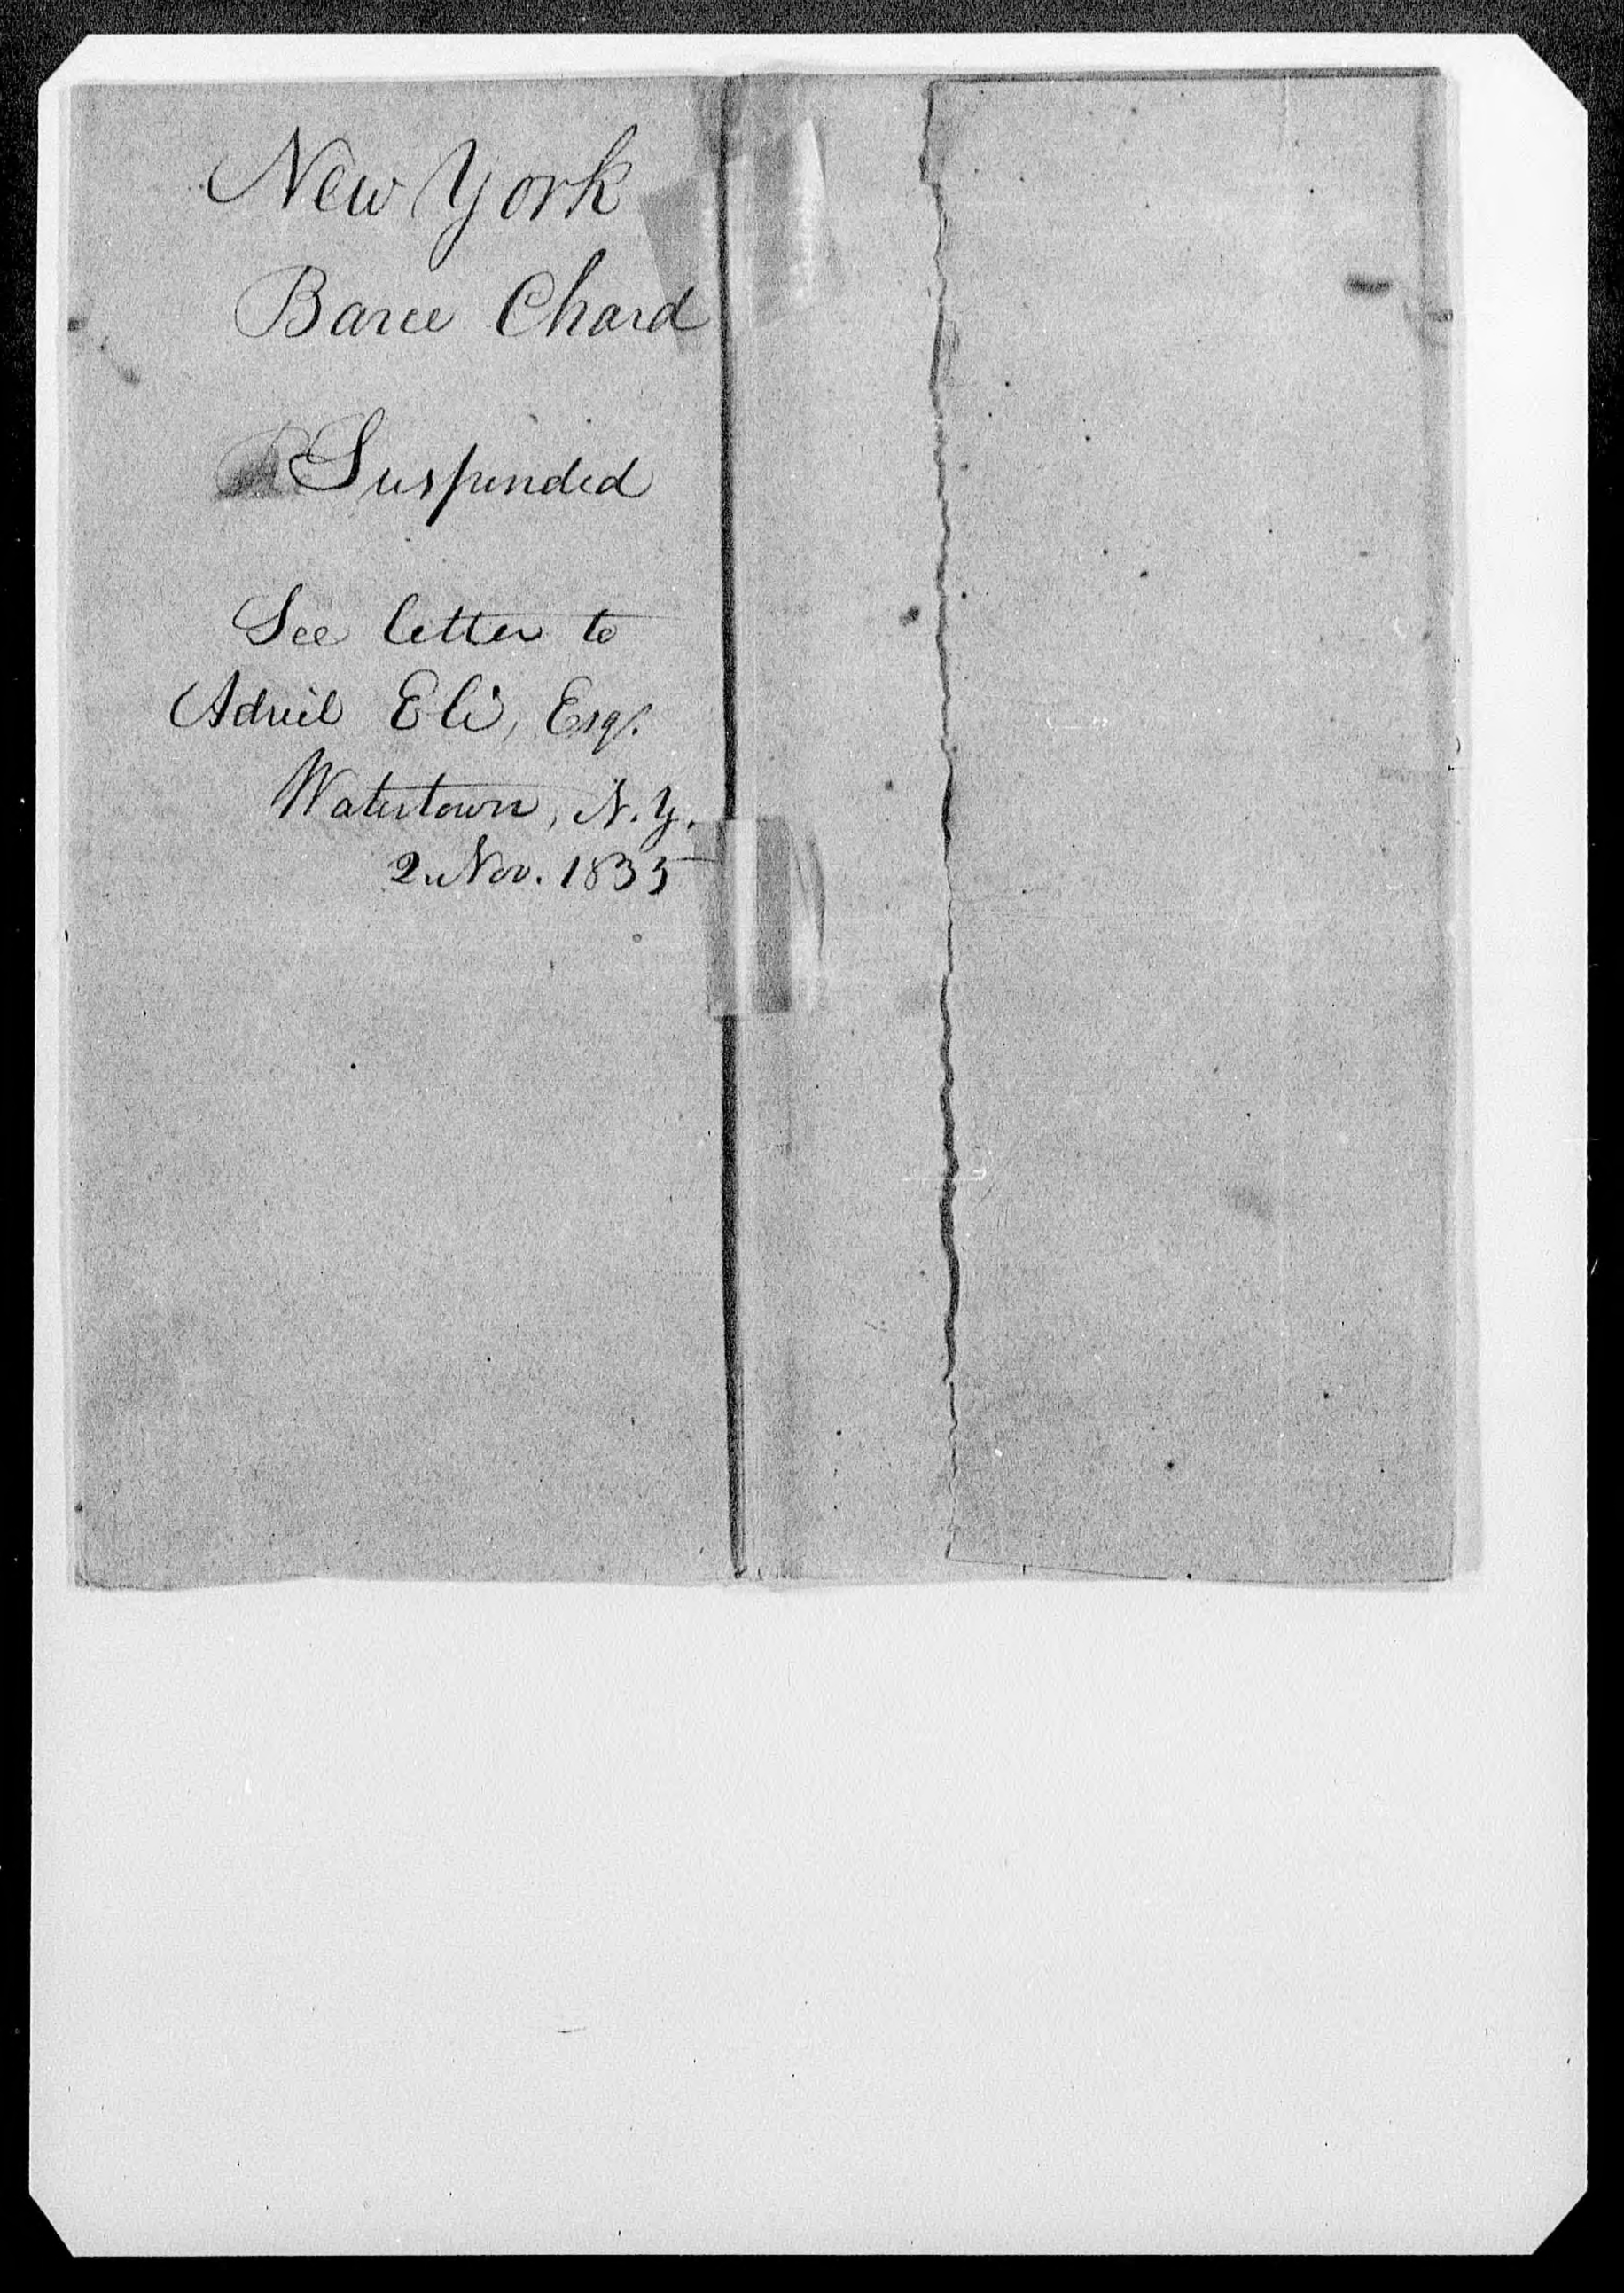New York
Barce Chard
Suspended

See letter to
Adriel Eli [Ely], Esq.
Watertown, N.Y.
2 Nov. 1835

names: Barce Chard, Adriel Eli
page: 23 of 47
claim: widow's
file: W. 10,602, Barce Chard, New York.